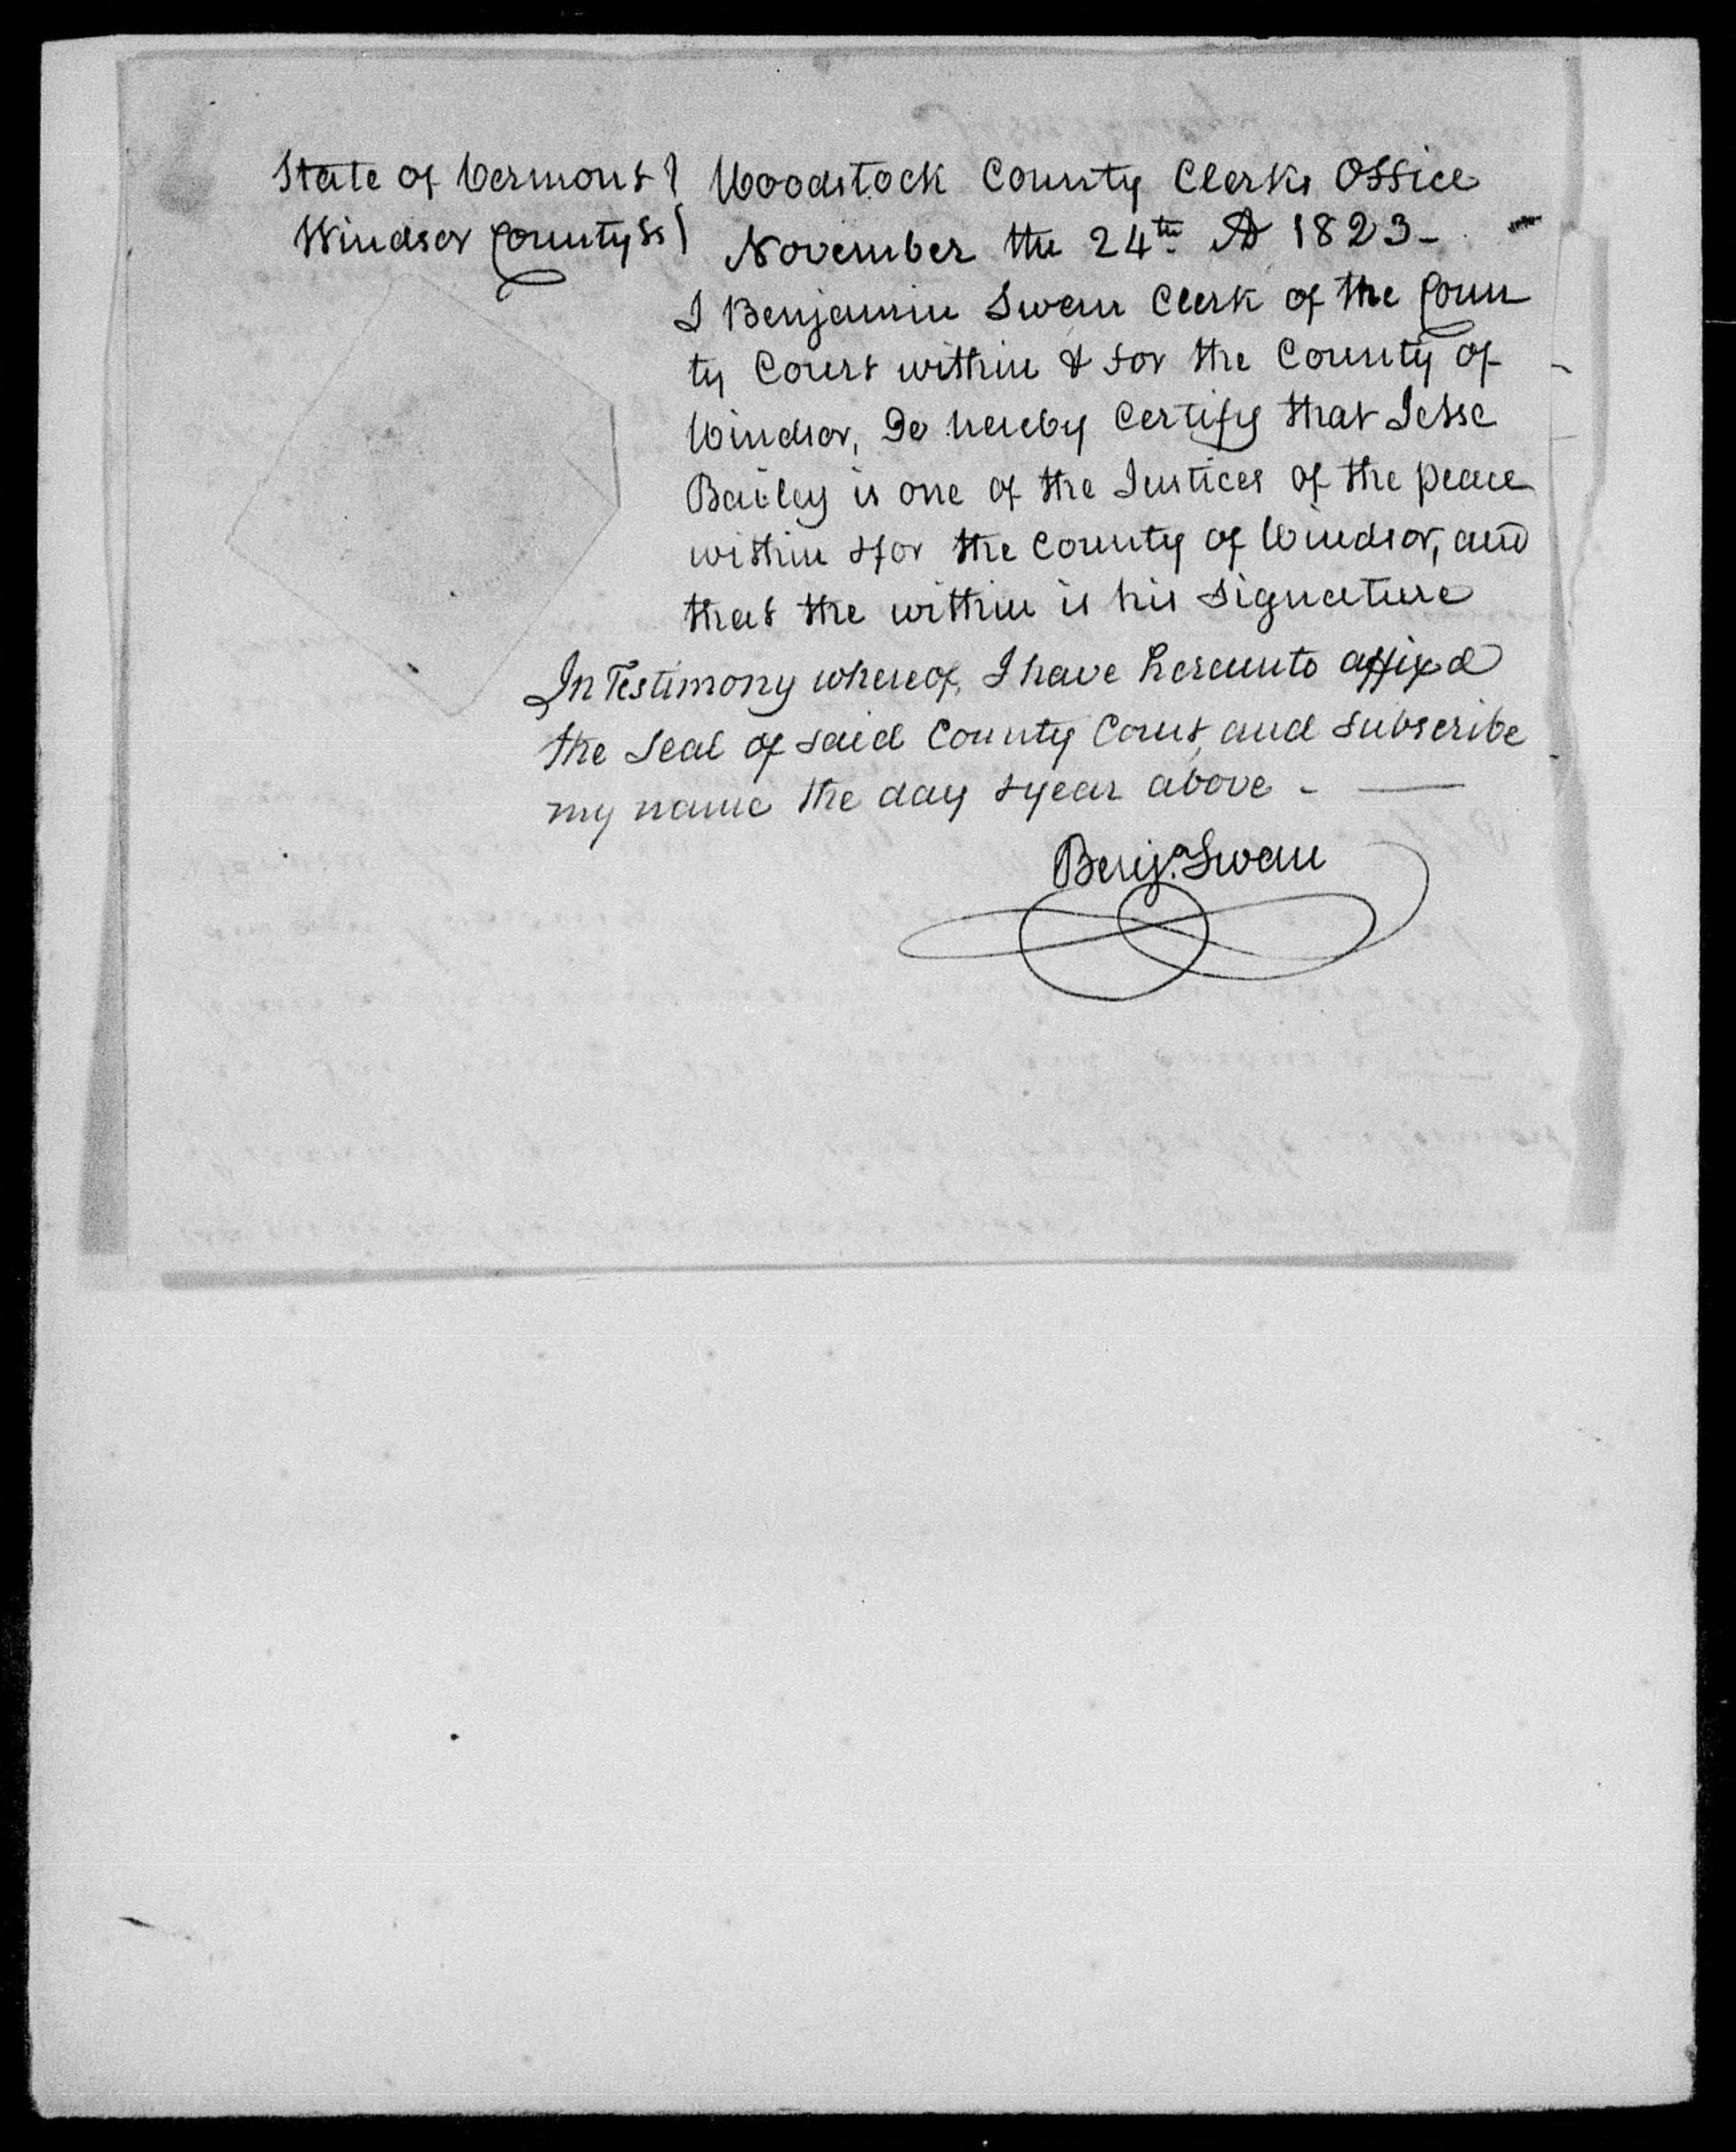State of Vermont
Windsor County
Woodstock County Clerks Office
November the 24th AD 1823
I Benjamin Swan Clerk of the County Court within & for the County of Windsor, do hereby certify that Jesse Bailey is one of the Justices of the Peace within & for the County of Windsor, and that the within is his signature 
In testimony whereof I have hereunto affixed the Seal of said county court and subscribe my name the day & year above.
Benj. Swan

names: Benjamin Swan, Benjn Swan, Jesse Bailey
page: 21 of 22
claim: survivor's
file: S. 38777, Jacob Grover, Continental (Vt.)